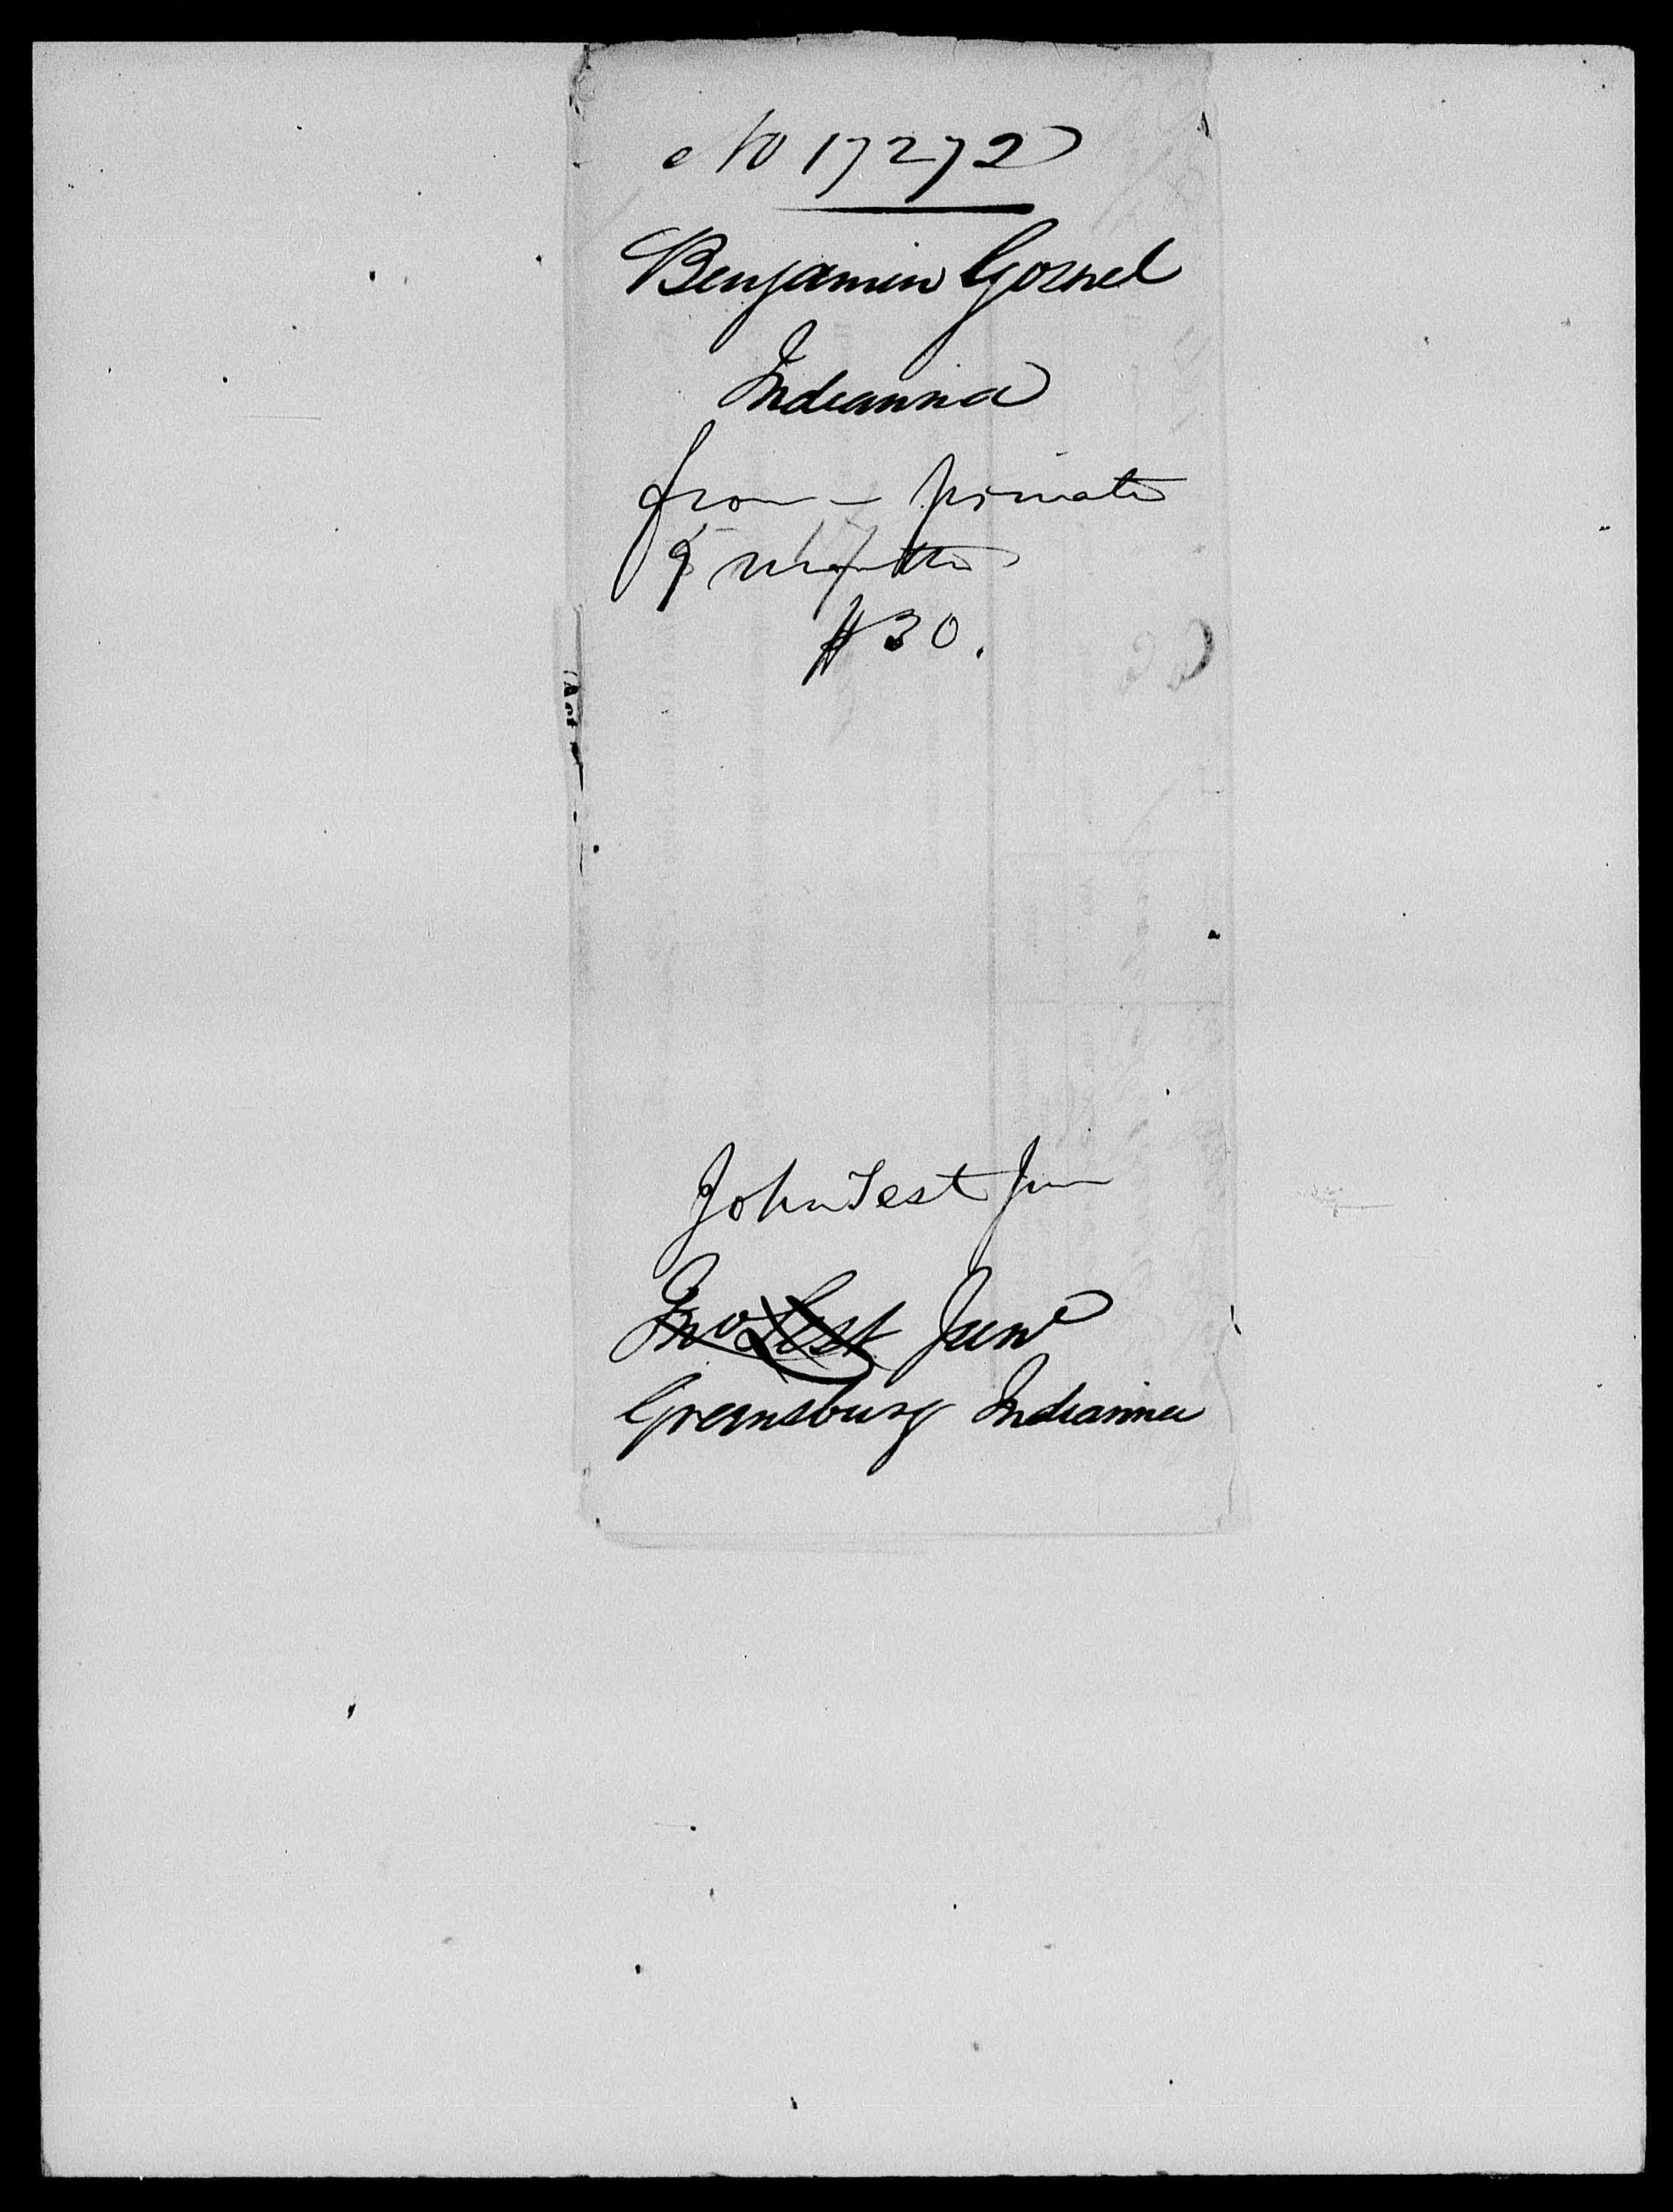No 17272
Benjamin Gosnel [Gosnell]
Indianna
from ~ private
9 months
$30.

John Test Jr
[struck through: Jno Test]
June
Greensburg Indiana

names: Benjamin Gosnel, John Test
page: 17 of 39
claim: widow's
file: W. 11060, Benjamin Gosnell, Va.